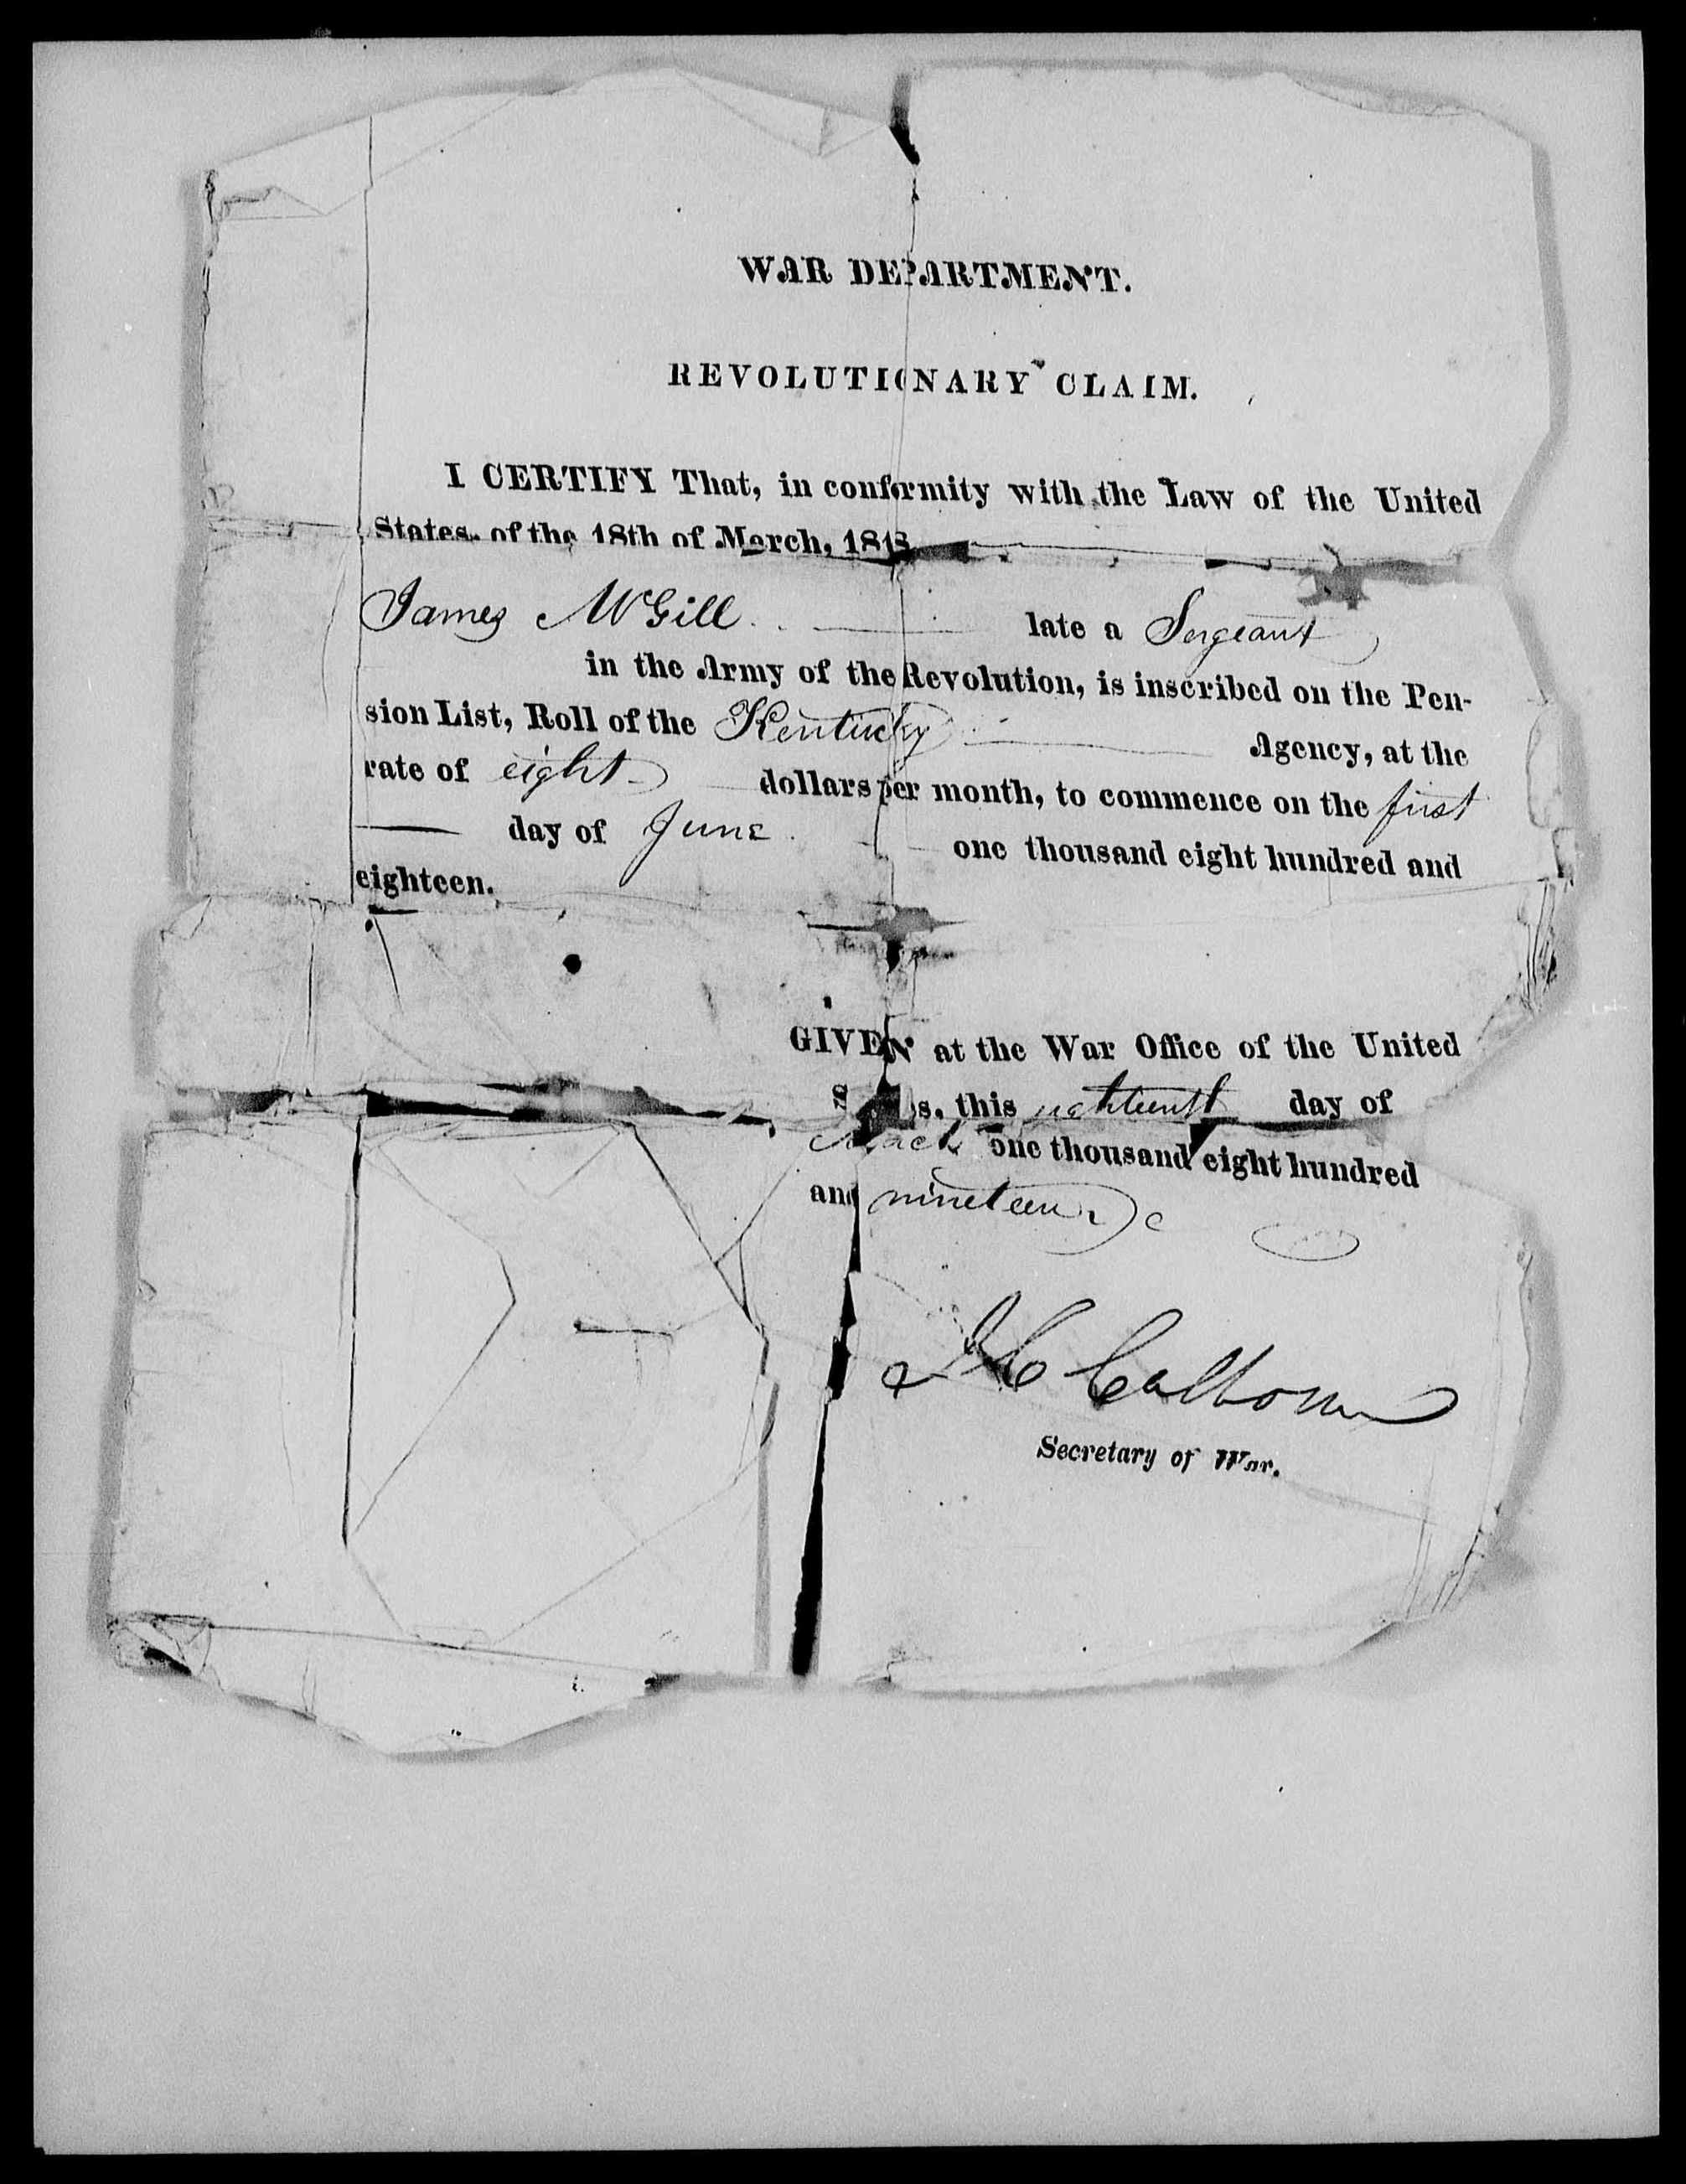Image 92      4160873_00092                
Fold3 File #23857258
[Form]   
WAR DEPARTMENT  REVOLUTIONARY CLAIM
I CERTIFY That, in conformity with the Law of the United States, of the 18th March 1818   
James McGill late a Sergeant in the Army of the Revolution, is inscribed on the Pension List, Roll of the Kentucky Agency at the rate of eight dollars per month, to commence on the first day of June one thousand eight hundred and eighteen.  
GIVEN at the War Office of the United States, this eighteenth day of March one thousand eight hundred and nineteen.
J. C. Calhoun  Secretary of War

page: 34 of 71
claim: widow's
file: W. 8428, for James Mc Gill, Pennsylvania